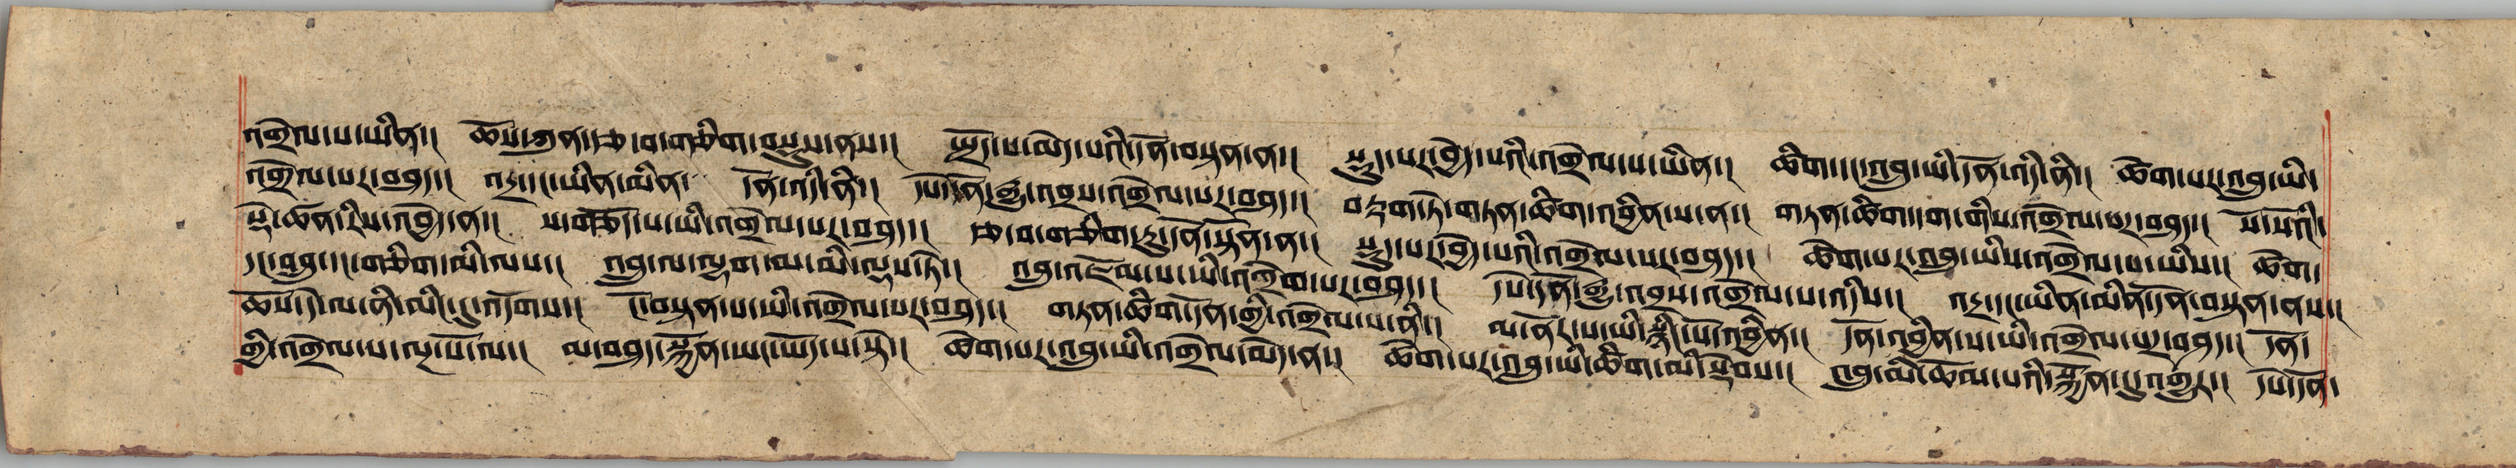འགྲེལ་པ་ཡིན་། ཆོས་ཀུན་རྩ་བ་གཅིག་བསྡུས་ནས་། སྤྲོད་པ་མེད་པའི་དོན་བསྟན་ན་། སྡུད་པར་བྱེད་པའི་འགྲེལ་པ་ཡིན་། ཚིག་དང་འབྲུ་ཡི་དོན་འདི་ནི་། ཚེག་པར་འབྲུ་ཡི་
འགྲེལ་པར་བཤད་། འདྲ་དང་ཡིན་མིན་ དོན་འདི་ནི་། དཔེ་དོན་རྒྱུ་འབྲས་འགྲེལ་པར་བཤད་། བརྟག་ཏེ་གཏན་ཚིག་འབྱིན་པ་ན་། གཏན་ཚིག་དག་གིས་འགྲེལ་པར་བཤད་། སོ་སོའི་
སྡེ་ཚན་རིས་འབྱེད་ན་། ས་གཅོད་པཡི་འགྲེལ་པར་བཤད་། རྩ་བ་གཅིག་ཏུ་དོན་སྟོན་ན་། སྡུད་པར་བྱེད་པའི་འགྲེལ་པར་བཤད་། ཚེག་པར་འབྲུ་ཡིས་འགྲེལ་པ་ཡིས་། ཚེག་
དང་འབྲུ་དང་གཅིག་མི་ལས་། འབྲུ་ལ་ལྷག་མ་མི་ལྡས་ཏེ་། འབྲུ་འཇོམ་པ་ཡི་འགྲེལ་པར་བཤད་། དཔེ་དོན་རྒྱུ་འབྲས་འགྲེལ་པ་འདིས་། འདྲ་དང་ཡིན་མིན་དོན་བསྟན་ནས་།
ཆོས་དེ་ལ་ནི་མིང་དུ་འདོགས་། ངོ་བསྟན་པ་ཡི་འགྲེལ་པར་བཤད་། གཏན་ཚིག་དོན་གྱི་འགྲེལ་པ་ནི་། མ་ནོར་ས་ཡི་སྙིང་པོ་འབྱིན་། དོན་འབྱིན་པ་ཡི་འགྲེལ་པར་བཤད་། དོན་
གྱི་འགྲེལ་པ་ལྔ་པོ་ལ་། མ་བཤད་སྐྱོན་ཡང་ཡོད་པ་སྟེ་། ཚེག་པར་འབྲུ་ཡི་འགྲེལ་མེད་ན་། ཚེག་པར་འབྲུ་ཡི་ཚིག་མི་སྡེབས་། འབྲུ་མི་ཆོམ་པའི་སྐྱོན་དུ་འགྱུར་། དཔེ་དོན་